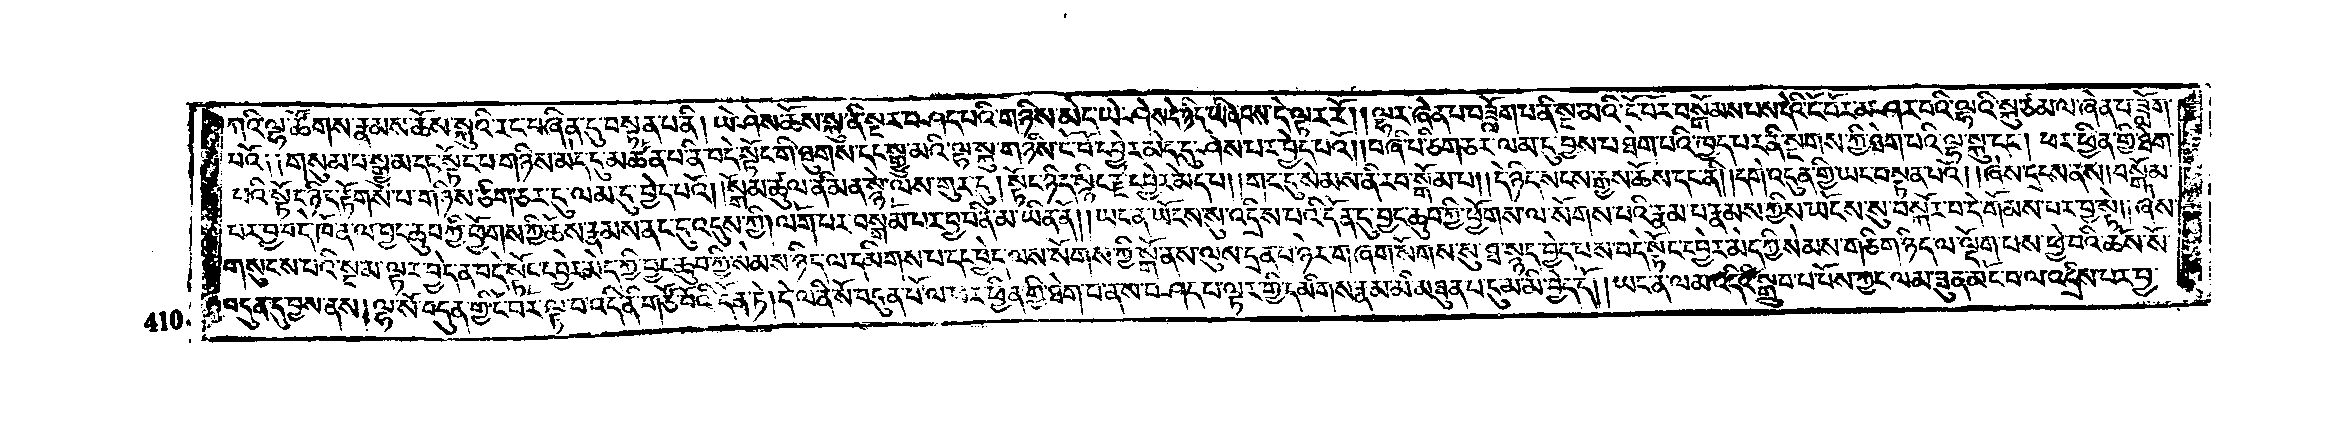ཀའི་ལྷ་ཚོགས་རྣམས་ཆོས་སྐུའི་རང་བཞིན་དུ་བསྟན་པ་ནི། ཡེ་ཤེས་ཆོས་སྐུ་ནི་སྔར་བཤད་པའི་གཉིས་མེད་ཡེ་ཤེས་དེ་ཉིད་ཡིན་པས་དེ་ལྟར་རོ། །ལྷར་ཞེན་པ་བཟློག་པ་ནི་སྔ་མའི་ངོ་བོར་བསྒོམས་པས་དེའི་ངོ་བོར་མ་ཤར་བའི་ལྷའི་སྐུ་ཙམ་ལ་ཞེན་པ་ཟློག་
པའོ། །གསུམ་པ་སྒྱུ་མ་དང་སྟོང་པ་གཉིས་མེད་དུ་མཚོན་པ་ནི་བདེ་སྟོང་གི་ཐུགས་དང་སྒྱུ་མའི་ལྷ་སྐུ་གཉིས་ངོ་བོ་དབྱེར་མེད་དུ་ཤེས་པར་བྱེད་པའོ། །བཞི་པ་ཅིག་ཅར་ལམ་དུ་བྱས་པ་ཐེག་པའི་ཁྱད་པར་ནི་སྔགས་ཀྱི་ཐེག་པའི་ལྷ་སྐུ་དང་། ཕར་ཕྱིན་གྱི་ཐེག་
པའི་སྟོང་ཉིད་རྟོགས་པ་གཉིས་ཅིག་ཅར་དུ་ལམ་དུ་བྱེད་པའོ། །སྒོམ་ཚུལ་ནི་མན་སྙེ་ལས་གུར་དུ། སྟོང་ཉིད་སྙིང་རྗེ་དབྱེར་མེད་པ། །གང་དུ་སེམས་ནི་རབ་སྒོམ་པ། །དེ་ཉིད་སངས་རྒྱས་ཆོས་དང་ནི། །དགེ་འདུན་གྱི་ཡང་བསྟན་པའོ། །ཞེས་དྲངས་ནས། བསྒོམ་
པར་བྱ་བ་དེ་ཁོ་ན་ལ་བྱང་ཆུབ་ཀྱི་ཕྱོགས་ཀྱི་ཆོས་རྣམས་ནང་དུ་འདུས་ཀྱི། ལོག་པར་བསྒོམ་པར་བྱ་བ་ནི་མ་ཡིན་ནོ། །ཡང་ན་ཡོངས་སུ་འདྲིས་པའི་དོན་དུ་བྱང་ཆུབ་ཀྱི་ཕྱོགས་ལ་སོགས་པའི་རྣམ་པ་རྣམས་ཀྱིས་ཡོངས་སུ་བསྐོར་བ་དེ་གོམས་པར་བྱ་སྟེ། །ཞེས་
གསུངས་པའི་སྔ་མ་ལྟར་བྱེད་ན་བདེ་སྟོང་དབྱེར་མེད་ཀྱི་བྱང་ཆུབ་ཀྱི་སེམས་ཉིད་ལ་དམིགས་པ་དང་བྱེད་ལས་སོགས་ཀྱི་སྒོ་ནས་ལུས་དྲན་པ་ཉེར་གཞག་སོགས་སུ་ཐ་སྙད་བྱེད་པས་བདེ་སྟོང་དབྱེར་མེད་ཀྱི་སེམས་གཅིག་ཉིད་ལ་ལྡོག་པས་ཕྱེ་བའི་ཆོས་སོ་
བདུན་དུ་བྱས་ནས། ལྷ་སོ་བདུན་གྱི་ངོ་བོར་ལྟ་བ་འདི་ནི་གཙོ་བོའི་དོན་ཏེ། དེ་ལ་ནི་སོ་བདུན་པོ་ལ་ཕར་ཕྱིན་གྱི་ཐེག་པ་ནས་བཤད་པ་ལྟར་གྱི་དམིགས་རྣམ་མི་མཐུན་པ་དུ་མ་མི་བྱེད་དོ། །ཡང་ན་ལམ་འདིའི་སྒྲུབ་པ་པོས་ཀྱང་ལམ་ཐུན་མོང་བ་ལ་འདྲིས་པར་བྱ་